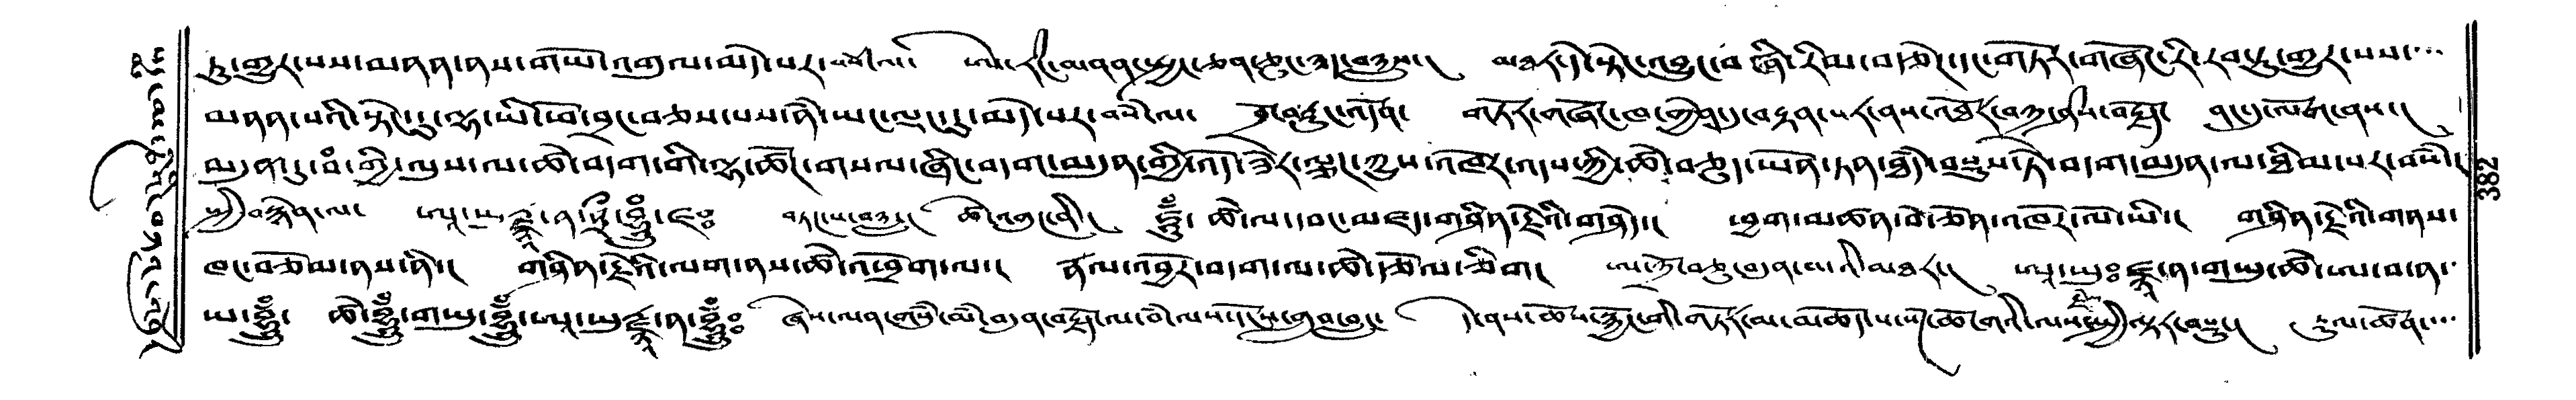ཏུ་གྱུར་པས་མནན་ནས་གཡོ་འགུལ་མེད་པར་བསམ་ལ། ཨེ་རིང་མནན་སྤྱང་ཅན་ཅུང་ཟད་བཟླ།མཐར། དེ་སྟེང་འབྱུང་བཞི་རིམ་བརྩེགས་དང་གཏོར་གཞོང་རི་རབ་ཏུ་གྱུར་པས་
མནན་པའི་སྟེང་དུ་ལྷ་ཡི་ཕོ་བྲང་བཅས་པས་ནམ་ཡང་ལྡང་དུ་མེད་པར་བསམ་ལ། བྲོ་བརྡུང་འདོན། གཏོར་གཞོང་ཁ་གྱེན་དུ་བསྟན་པར་ནས་འཐོར་བཀྲ་ཤིས་བརྗོད། ནང་དུ་ལོག་ནས། 
མདུན་དུ་བམ་གྱི་ལུས་ལ་ཚེ་བདག་གི་ལྷ་ཚོགས་གསལ་ཞིང་བདག་མདུན་གྱི་འོད་ཟེར་ལྕགས་ཀྱུས་འཁོར་འདས་ཀྱི་ཚེ་བཅུད་ཡོན་ཏན་ཐམས་ཅད་བསྡུས་ཏེ་བདག་མདུན་ལ་ཐིམ་པར་བསམ། 
སྤྱི་བསྙེན་ལ། ཨཱ་ཡུརྫྙཱ་ན་ནྲྀ་བྷྲཱུྃ་ཛཿ བཏགས་པ་བཟླ། ཚེ་འགུགས་ནི། ཧཱུྃ། ཚེ་ལ་དབང་མཛད་གཤིན་རྗེའི་གཤེད། །ཕྱག་མཚན་བེ་ཅོན་འཁོར་ལོ་ཡིས། །གཤིན་རྗེའི་གནས་
ཁང་བཅོམ་ནས་ནི། །གཤིན་རྗེའི་ལག་ནས་ཚེ་ཕྲོགས་ལ། །རྣལ་འབྱོར་བདག་ལ་ཚེ་སྩོལ་ཅིག ཨ་ཀྲོ་བཅུ་བདུན་མའི་མཐར། ཨཱ་ཡུཿཛྙཱ་ན་གཡུ་ཚེ་ཨ་བ་ན་
ཡ་བྷྲཱུྃཿ ཚེ་བྷྲཱུྃ་གཡུ་བྷྲཱུྃ་ཨཱཿཡུརྫྙཱ་ན་བྷྲཱུྃཿ ཞེས་ལན་གསུམ་མམ་བདུན་བརྗོད་ལ་བམ་ལས་དངོས་གྲུབ་བླང་། དེ་ནས་ཆོས་སྐྱོང་གི་གཏོར་མ་མཆོད་པ་སོགས་ཆོ་གའི་ལས་རྗེས་སྤྱི་ལྟར་བསྡུ། རྡུལ་ཚོན་